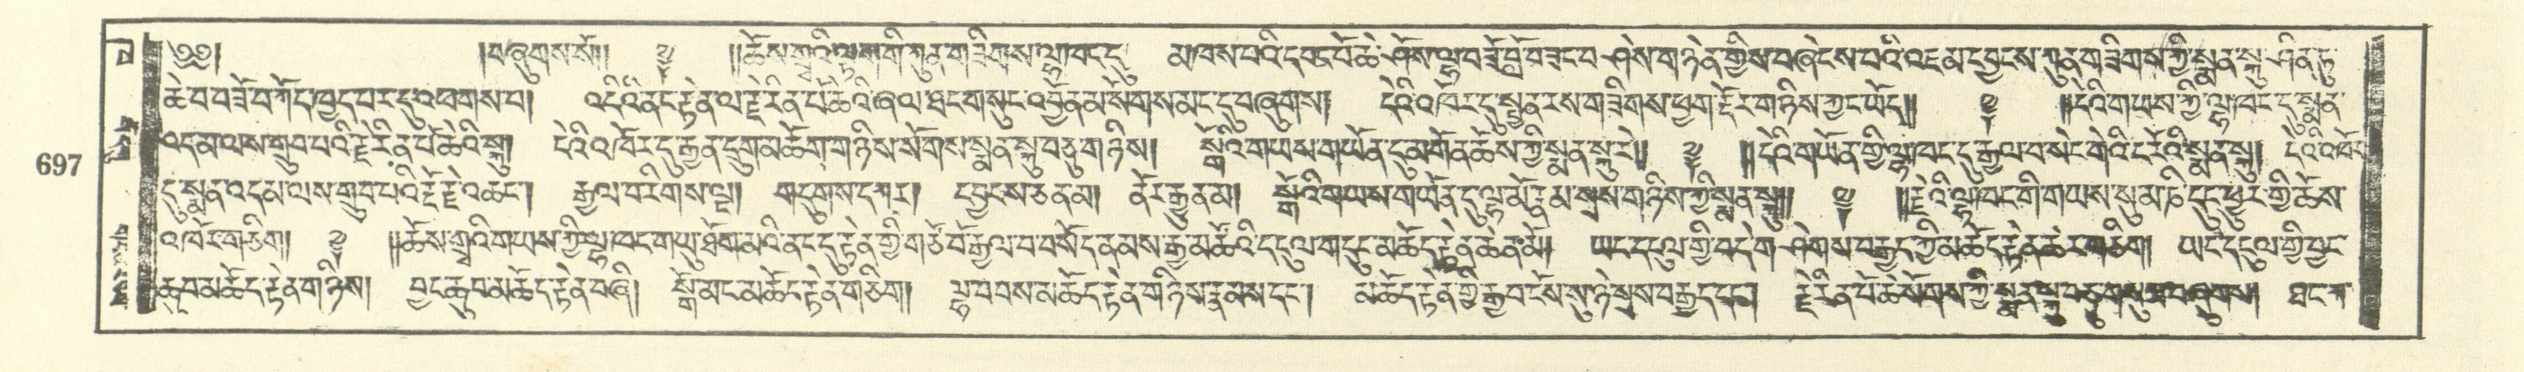༄༅། །བཞུགས་སོ།། ༈ །།ཆོས་གྲའི་ལྟག་གི་ཀུན་གཟིགས་ལྷ་ཁང་དུ། མཁས་པའི་དབང་པོ་ཆེ་ཤོས་ལྷ་བཟོ་བློ་བཟང་བཤེས་གཉེན་གྱིས་བཞེངས་པའི་འཇམ་དབྱངས་ཀུན་གཟིགས་ཀྱི་སྨན་སྐུ་ཤིན་ཏུ་
ཆེ་བ་བཟོ་བཀོད་ཁྱད་པར་དུ་འཕགས་པ། འདིའི་ནང་རྟེན་ལ་རྗེ་རིན་པོ་ཆེའི་ཞལ་ཐང་གསུང་འབྱོན་མ་སོགས་མང་དུ་བཞུགས། དེའི་འཁོར་དུ་སྤྱན་རས་གཟིགས་ཕྱག་རྡོར་གཉིས་ཀྱང་ཡོད།། ༈ །།དེའི་གཡས་ཀྱི་ལྷ་ཁང་དུ་སྨན་
འདམ་ལས་གྲུབ་པའི་རྗེ་རིན་པོ་ཆེའི་སྐུ། དེའི་འཁོར་དུ་རྒྱན་དྲུག་མཆོག་གཉིས་སོགས་སྨན་སྐུ་བཅུ་གཉིས། སྒོའི་གཡས་གཡོན་དུ་མགོན་ཆོས་ཀྱི་སྨན་སྐུ་རེ།། ༈ །།དེའི་གཡོན་གྱི་ལྷ་ཁང་དུ་རྒྱལ་བ་སེང་གེའི་ང་རོའི་སྨན་སྐུ། དེའི་འཁོར་
དུ་སྨན་འདམ་ལས་གྲུབ་པའི་རྡོ་རྗེ་འཆང་། རྒྱལ་བ་རིགས་ལྔ། གདུགས་དཀར། དབྱངས་ཅན་མ། ནོར་རྒྱུན་མ། སྒོའི་གཡས་གཡོན་དུ་ལྷ་མོ་རྣམ་སྲས་གཉིས་ཀྱི་སྨན་སྐུ།། ༈ །།རྗེའི་ལྷ་ཁང་གི་གཡས་སུ་མ་ཎི་དུང་ཕྱུར་གྱི་ཆོས་
འཁོར་གཅིག། ༈ །།ཆོས་གྲྭའི་གཡས་ཀྱི་ལྷ་ཁང་གཡུ་ཐོག་མའི་ནང་དུ་རྟེན་གྱི་གཙོ་བོ་རྒྱལ་བ་བསོད་ནམས་རྒྱ་མཚོའི་དངུལ་གདུང་མཆོད་རྟེན་ཆེན་མོ། ཡང་དངུལ་གྱི་བདེ་གཤེགས་བརྒྱད་ཀྱི་མཆོད་རྟེན་ཚར་གཅིག། ཡང་དངུལ་གྱི་བྱང་
ཆུབ་མཆོད་རྟེན་གཉིས། བྱང་ཆུབ་མཆོད་རྟེན་བཞི། སྒོ་མང་མཆོད་རྟེན་གཅིག། ལྷ་བབས་མཆོད་རྟེན་གཉིས་རྣམས་དང་། མཆོད་རྟེན་གྱི་རྒྱབ་ངོས་སུ་ཉེ་སྲས་བརྒྱད་དང་། རྗེ་རིན་པོ་ཆེ་སོགས་ཀྱི་སྨན་སྐུ་བཅུ་གསུམ་བཞུགས། ཐང་ཀ་